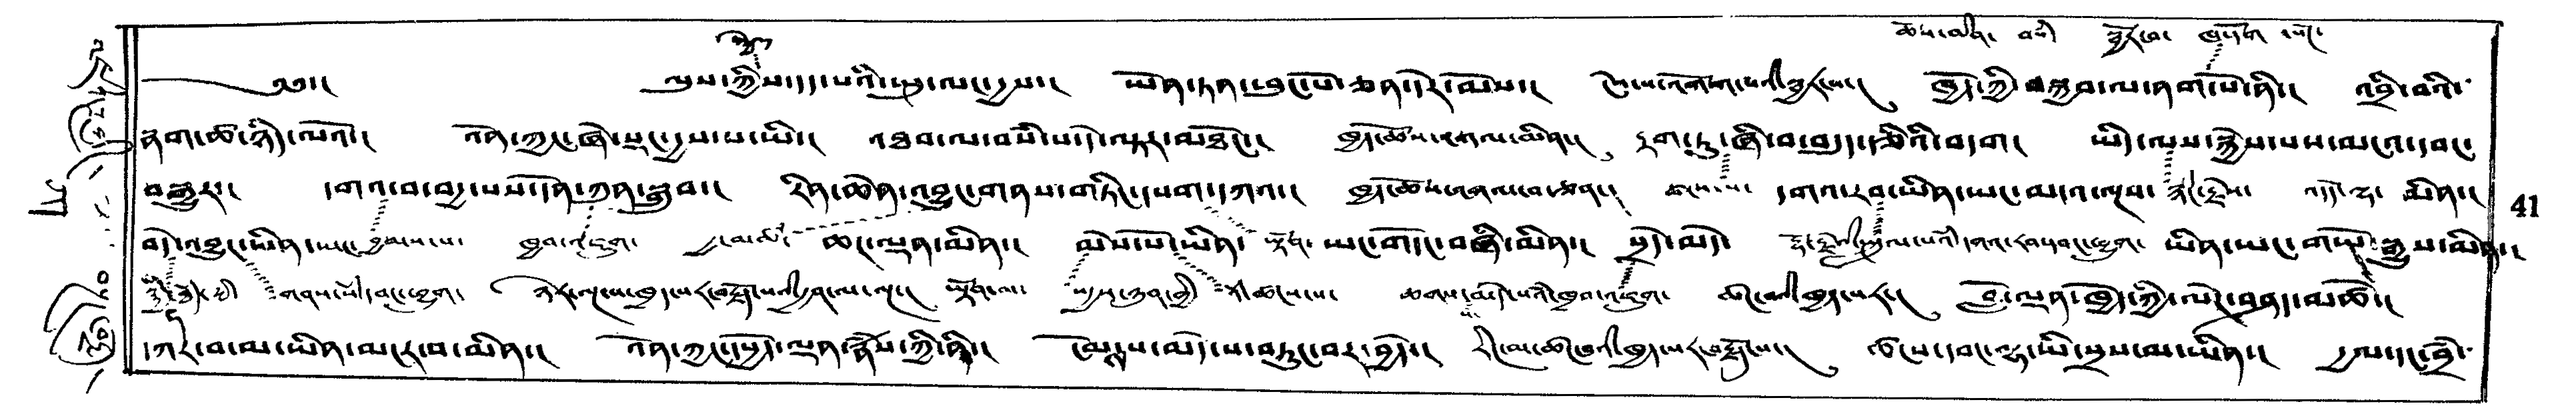།ལུས་སྐྱེས་དད་པའི་སྤུ་ལོང་རྒྱས། །ཡོན་ཏན་ཕུང་པོ་ཅན་དེར་མོས། ངེས་པ་འགོག་པའི་སྦྱར་བ། ཁྱོད་ཀྱིས་སྐྱབས་ལ་ནག་པོ་ནི། ། ཆོས་མིན། བསམ། སྦྱོར་བ། ཁ་དོག་སོགས། །འབྲི་བའི་
སྣག་ཚ་ཉིད་ལའོ། །འོན་ཀྱང་ཞེ་སྡང་རྒྱས་པ་ཡི། །འཐབ་ལ་བསམ་པ་དེ་ལྟར་མཐོང་། ། ཁྱད་ཆོས་འགལ་མིན། རྟག་ཏུ་ཚངས་པ། ཞི་བ་བདུད་རྩིའི་བདག །ཡིད་ལས་སྙིང་རྗེས། སྐྱེས་པས་མངའ་དབང་
བསྒྱུར། །དགའ་བ་བྱམས་པ། བརྒྱ་པས་ཁྱབ་འཇུག དོན་ཀུན་གྲུབ། །རིན་ཆེན་འབྱུང་གནས་རྒྱ་མཚོ། གཏིང་ཡོན་ཏན། དཔག་དཀའ། ། ཁྱད་ཆོས་འགལ་བ་ཅན། དགའ་རབ་རྡོ་རྗེའི་སྤྲུལ་པའམ་དགའ་རབ་དབང་ཕྱུག ཡིན་ཡང་མདའ་ལྔས་འདོད་ལྷ། མིན། །
བདེ་འབྱུང་སྐྱིད་ཐམས་ཅད་ཀྱི་གནས་སམ་དབང་ཕྱུག ཡིན་ཡང་ཆགས་ལྡན་མིན། ། 
ཉེར་ལྔ་པ་ཁྱད་པར་བརྗོད་པའི་རྒྱན་ལ་ལྔ། ཡོན་ཏན་མ་ཚང་བའི་ཁྱད་པར། བློ་ལྡན་ཁྱོད་ཀྱི་ལེགས་བཤད་མཚོ། །
དཀར་བ་མ་ཡིན་མངར་བ་མིན། །འོན་ཀྱང་དཔྱོད་ལྡན་རྣམས་ཀྱིས་ནི། །ངོམས་པ་མེད་པ་བཏུང་བར་བྱེད། ། རིགས་མ་ཚང་བའི་ཁྱད་པར་བརྗོད་པ། ཚངས་དབང་ལྷ་ཡི་སྲས་མ་ཡིན། །རྒྱལ་དང་བྲམ་